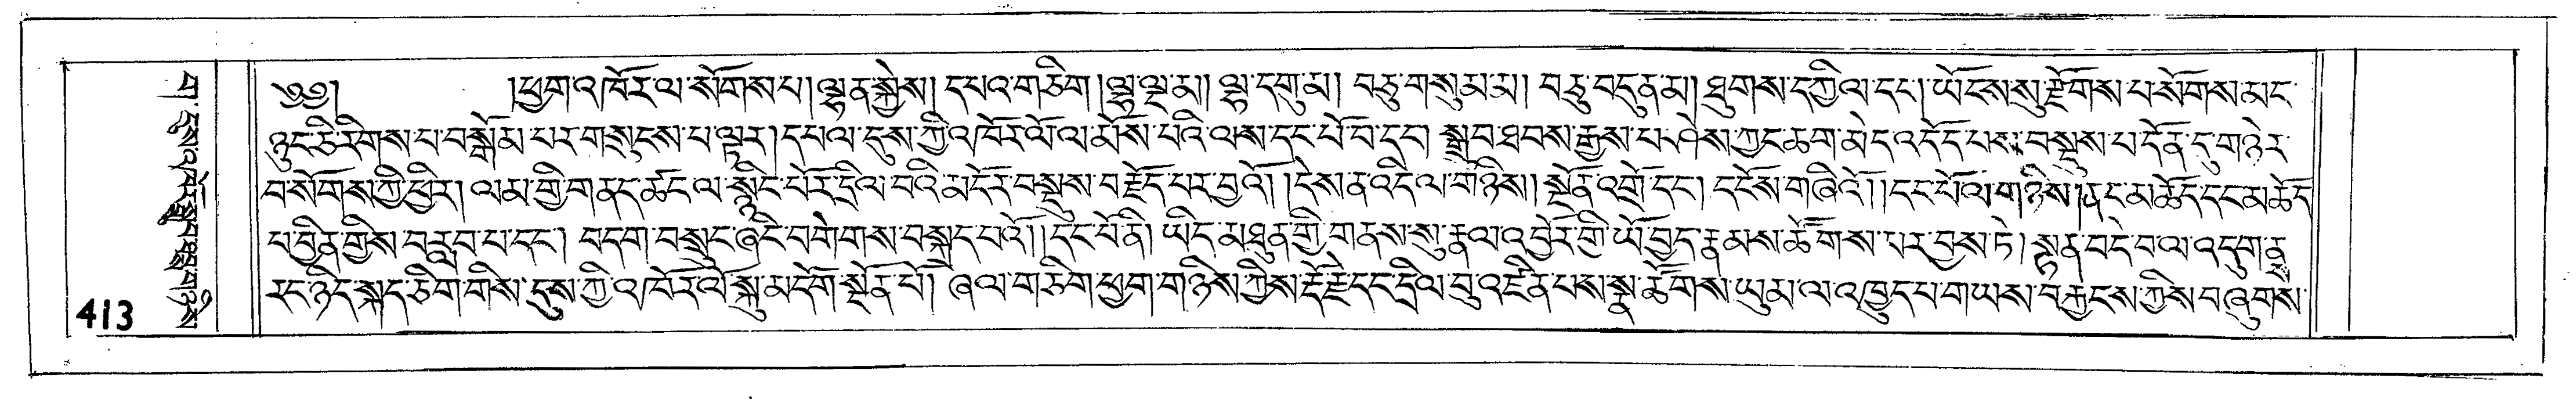༄༅། །ཕྱག་འཁོར་ལ་སོགས་པ། ལྷན་སྐྱེས། དཔའ་གཅིག །ལྷ་ལྔ་མ། ལྷ་དགུ་མ། བཅུ་གསུམ་མ། བཅུ་བདུན་མ། ཐུགས་དཀྱིལ་དང་། ཡོངས་སུ་རྫོགས་པ་སོགས་མང་
ཉུང་ཅི་རིགས་པ་བསྒོམ་པར་གསུངས་པ་ལྟར། དཔལ་དུས་ཀྱི་འཁོར་ལོ་ལ་མོས་པའི་ལས་དང་པོ་བ་དང་། སྒྲུབ་ཐབས་རྒྱས་པ་ཤེས་ཀྱང་ཆག་མེད་འདོད་པས་བསྡུས་པ་དོན་དུ་གཉེར་
བ་སོགས་ཀྱི་ཕྱིར། ལམ་གྱི་གནད་ཚང་ལ་སྙིང་པོར་དྲིལ་བའི་མདོར་བསྡུས་བརྗོད་པར་བྱའོ། །དེས་ན་འདི་ལ་གཉིས། སྔོན་འགྲོ་དང་། དངོས་གཞིའོ། །དང་པོ་ལ་གཉིས། ནང་མཆོད་དང་མཆོད་
པ་བྱིན་གྱིས་བརླབ་པ་དང་། བདག་བསྲུང་ཞིང་བགེགས་བསྐྲད་པའོ། །དང་པོ་ནི། ཡིད་མཐུན་གྱི་གནས་སུ་རྣལ་འབྱོར་གྱི་ཡོ་བྱད་རྣམས་ཚོགས་པར་བྱས་ཏེ། སྟན་བདེ་བ་ལ་འདུག་ནས་
རང་ཉིད་སྐད་ཅིག་གིས་དུས་ཀྱི་འཁོར་ལོ་སྐུ་མདོག་སྔོན་པོ། ཞལ་གཅིག་ཕྱག་གཉིས་ཀྱིས་རྡོ་རྗེ་དང་དྲིལ་བུ་འཛིན་པས་སྣ་ཚོགས་ཡུམ་ལ་འཁྱུད་པ་གཡས་བརྐྱངས་ཀྱིས་བཞུགས་